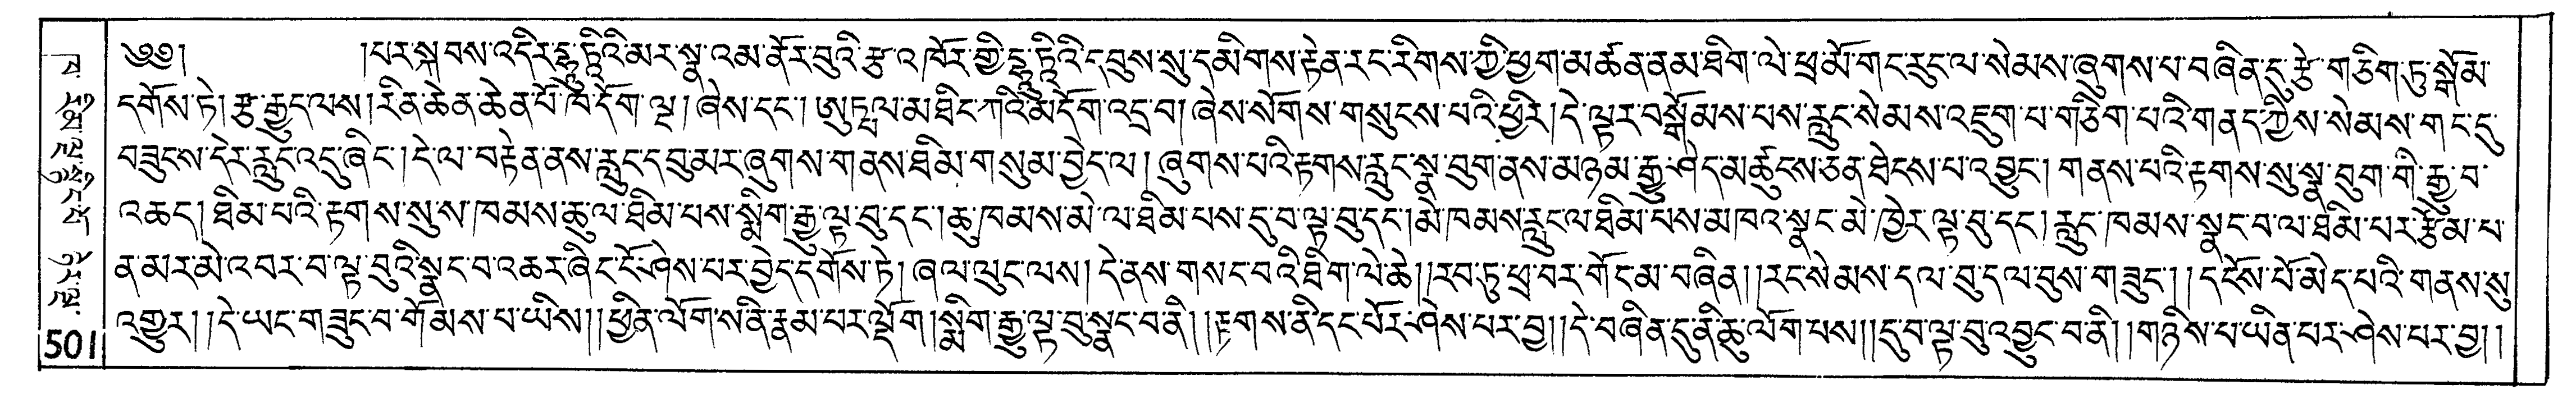༄༅། །པར་སྐབས་འདིར་དྷཱུ་ཏཱིའི་མར་སྣ་འམ་ནོར་བུའི་རྩ་འཁོར་གྱི་དྷཱུ་ཏཱིའི་དབུས་སུ་དམིགས་རྟེན་རང་རིགས་ཀྱི་ཕྱག་མཚན་ནམ་ཐིག་ལེ་ཕྲ་མོ་གང་རུང་ལ་སེམས་ཞུགས་པ་བཞིན་དུ་རྩེ་གཅིག་ཏུ་སྒོམ་
དགོས་ཏེ། རྩ་རྒྱུད་ལས། རིན་ཆེན་ཆེན་པོ་ཁ་དོག་ལྔ། ཞེས་དང་། ཨུཏྤལ་མཐིང་ཀའི་མདོག་འདྲ་བ། ཞེས་སོགས་གསུངས་པའི་ཕྱིར། དེ་ལྟར་བསྒོམས་པས་རླུང་སེམས་འཇུག་པ་གཅིག་པའི་གནད་ཀྱིས་སེམས་གང་དུ་
བཟུངས་དེར་རླུང་འདུ་ཞིང་། དེ་ལ་བརྟེན་ནས་རླུང་དབུ་མར་ཞུགས་གནས་ཐིམ་གསུམ་བྱེད་ལ། ཞུགས་པའི་རྟགས་རླུང་སྣ་བུག་ནས་མཉམ་རྒྱུ་ཤེད་མཚུངས་ཅན་ཐེངས་པ་འབྱུང་། གནས་པའི་རྟགས་སུ་སྣ་བུག་གི་རྒྱུ་བ་
འཆད། ཐིམ་པའི་རྟགས་སུ་ས་ཁམས་ཆུ་ལ་ཐིམ་པས་སྨིག་རྒྱུ་ལྟ་བུ་དང་། ཆུ་ཁམས་མེ་ལ་ཐིམ་པས་དུ་བ་ལྟ་བུ་དང་། མེ་ཁམས་རླུང་ལ་ཐིམ་པས་མཁའ་སྣང་མེ་ཁྱེར་ལྟ་བུ་དང་། རླུང་ཁམས་སྣང་བ་ལ་ཐིམ་པར་རྩོམ་པ་
ན་མར་མེ་འབར་བ་ལྟ་བུའི་སྣང་བ་འཆར་ཞིང་ངོ་ཤེས་པར་བྱེད་དགོས་ཏེ། ཞལ་ལུང་ལས། དེ་ནས་གསང་བའི་ཐིག་ལེ་ཆེ། །རབ་ཏུ་ཕྲ་བར་གོང་མ་བཞིན། །རང་སེམས་དལ་བུ་དལ་བུས་གཟུང་། །དངོས་པོ་མེད་པའི་གནས་སུ་
འགྱུར། །དེ་ཡང་གཟུང་བ་གོམས་པ་ཡིས། །ཕྱིན་ལོག་ས་ནི་རྣམ་པར་ལྡོག །སྨིག་རྒྱུ་ལྟ་བུ་སྣང་བ་ནི། །རྟགས་ནི་དང་པོར་ཤེས་པར་བྱ། །དེ་བཞིན་དུ་ནི་ཆུ་ལོག་པས། །དུ་བ་ལྟ་བུ་འབྱུང་བ་ནི། །གཉིས་པ་ཡིན་པར་ཤེས་པར་བྱ། །